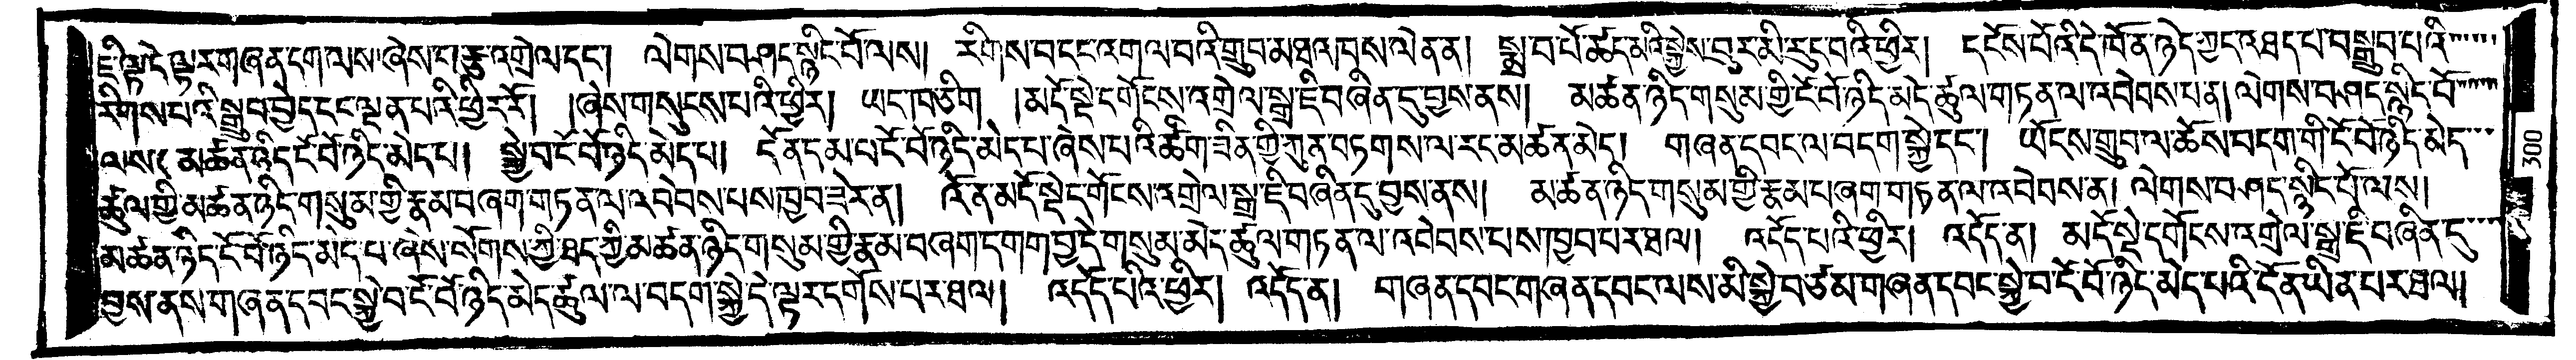ཇི་ལྟ་དེ་ལྟར་གཞན་དག་ལས་ཞེས་པ་རྩ་འགྲེལ་དང་། ལེགས་བཤད་སྙིང་པོ་ལས། རིགས་པ་དང་འགལ་བའི་གྲུབ་མཐའ་ཁས་ལེན་ན། སྨྲ་བ་པོ་ཚད་མའི་སྐྱེས་བུར་མི་རུང་བའི་ཕྱིར། དངོས་པོའི་དེ་ཁོ་ན་ཉིད་ཀྱང་འཐད་པ་བསྒྲུབ་པའི་
རིགས་པའི་སྒྲུབ་བྱེད་དང་ལྡན་པའི་ཕྱིར་རོ། །ཞེས་གསུངས་པའི་ཕྱིར། ཡང་ཁ་ཅིག །མདོ་སྡེ་དགོངས་འགྲེལ་སྒྲ་ཇི་བཞིན་དུ་བྱས་ནས། མཚན་ཉིད་གསུམ་གྱི་ངོ་བོ་ཉིད་མེད་ཚུལ་གཏན་ལ་འབེབས་པ་ན། ལེགས་བཤད་སྙིང་པོ་
ལས༑ མཚན་ཉིད་ངོ་བོ་ཉིད་མེད་པ། སྐྱེ་བ་ངོ་བོ་ཉིད་མེད་པ། དོན་དམ་པ་ངོ་བོ་ཉིད་མེད་པ་ཞེས་པའི་ཚིག་ཟིན་གྱི་ཀུན་བཏགས་ལ་རང་མཚན་མེད། གཞན་དབང་ལ་བདག་སྐྱེ་དང་། ཡོངས་གྲུབ་ལ་ཆོས་བདག་གི་ངོ་བོ་ཉིད་མེད་
ཚུལ་གྱི་མཚན་ཉིད་གསུམ་གྱི་རྣམ་བཞག་གཏན་ལ་འབེབས་པས་ཁྱབ་ཟེར་ན། འོ་ན་མདོ་སྡེ་དགོངས་འགྲེལ་སྒྲ་ཇི་བཞིན་དུ་བྱས་ནས། མཚན་ཉིད་གསུམ་གྱི་རྣམ་བཞག་གཏན་ལ་འབེབས་ན། ལེགས་བཤད་སྙིང་པོ་ལས།
མཚན་ཉིད་ངོ་བོ་ཉིད་མེད་པ་ཞེས་སོགས་ཀྱི་ཐད་ཀྱི་མཚན་ཉིད་གསུམ་གྱི་རྣམ་བཞག་དགག་བྱ་དེ་གསུམ་མེད་ཚུལ་གཏན་ལ་འབེབས་པས་ཁྱབ་པར་ཐལ། འདོད་པའི་ཕྱིར། འདོད་ན། མདོ་སྡེ་དགོངས་འགྲེལ་སྒྲ་ཇི་བཞིན་དུ་
བྱས་ནས་གཞན་དབང་སྐྱེ་བ་ངོ་བོ་ཉིད་མེད་ཚུལ་ལ་བདག་སྐྱེ་དེ་ལྟར་དགོས་པར་ཐལ། འདོད་པའི་ཕྱིར། འདོད་ན། གཞན་དབང་གཞན་དབང་ལས་མི་སྐྱེ་བ་ཙམ་གཞན་དབང་སྐྱེ་བ་ངོ་བོ་ཉིད་མེད་པའི་དོན་ཡིན་པར་ཐལ།